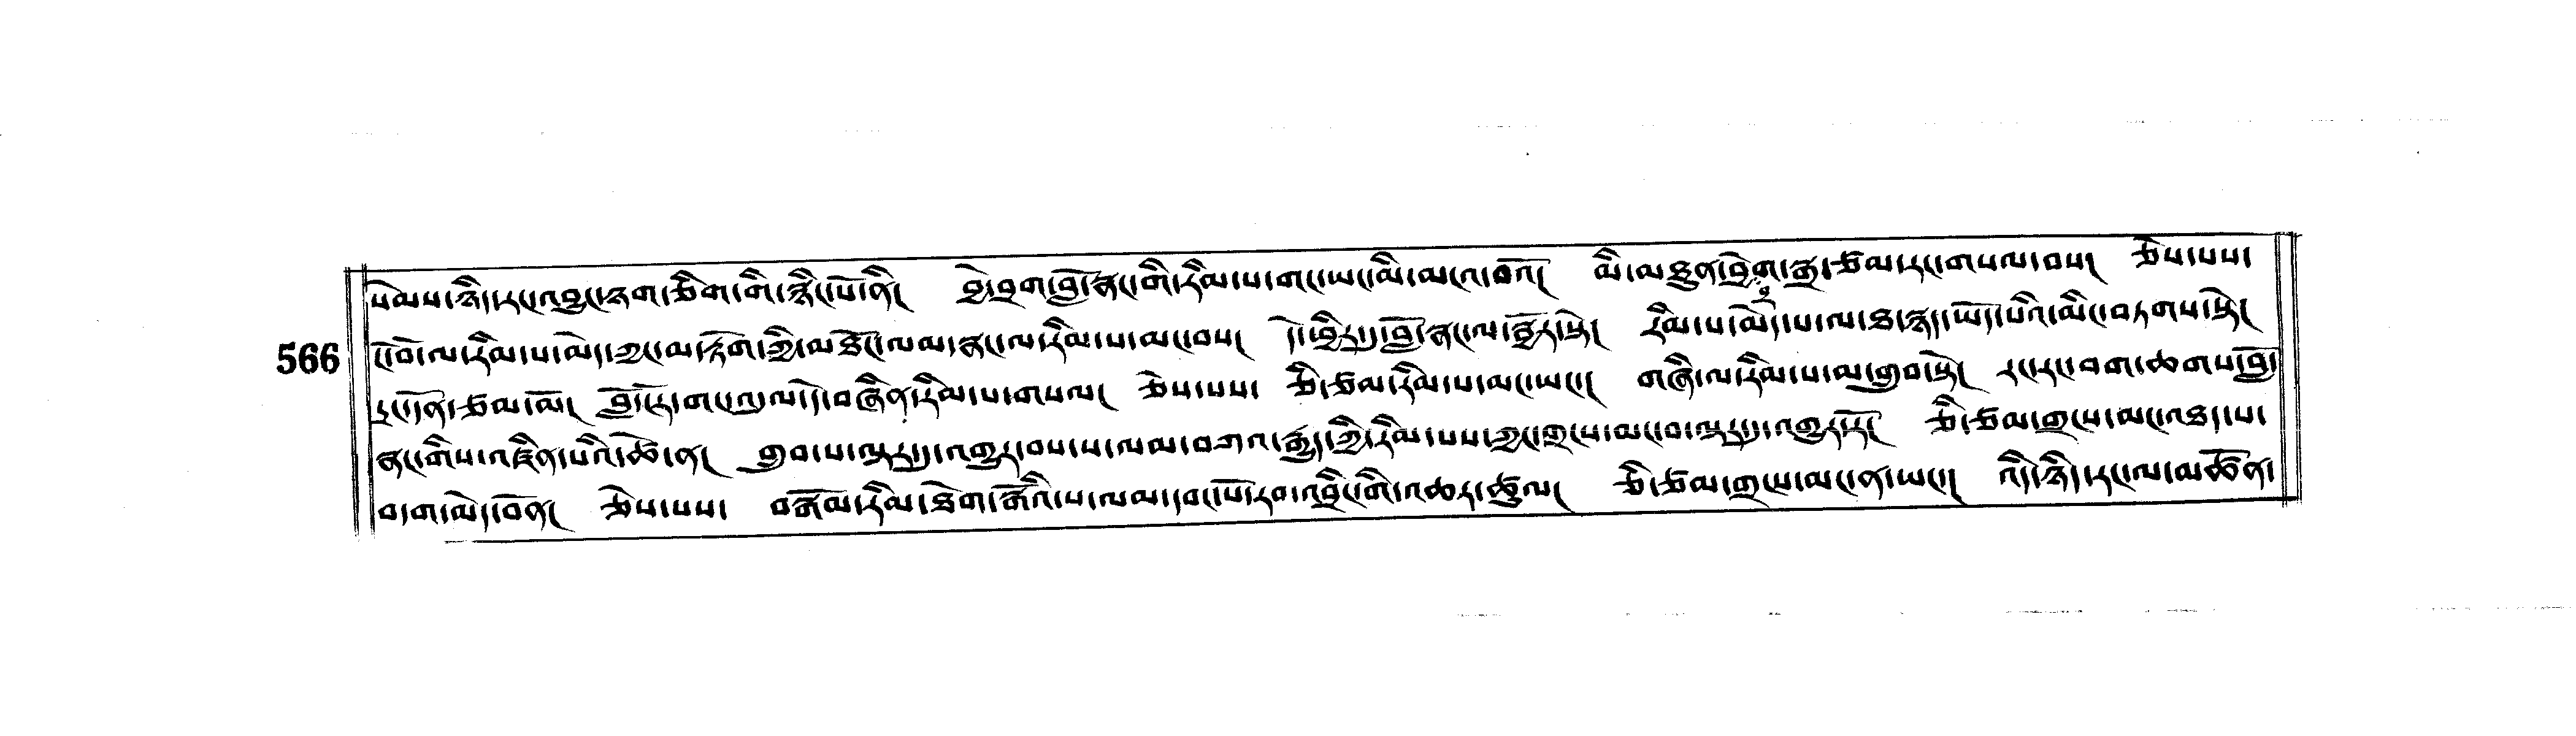སེམས་ཉིད་རང་འབྱུང་ཉག་ཅིག་གི་སྙིང་པོ་ནི། བྱེ་བྲག་བློ་སྣང་གི་རིམ་པ་གང་ཡང་མི་མངའ་བའོ། མི་མཐུན་བྱེ་བྲག་སྒྲ་ཙམ་རང་གསལ་བས། ཅེས་པས། 
ངོ་བོ་ལ་རིམ་པ་མེད་ཀྱང་མ་རྟོགས་ཀྱི་མཐོང་ལམ་སྣང་ལ་རིམ་པ་མང་བས། དེ་ཕྱིར་དུ་བློ་སྣང་ལ་སྦྱོར་ཏེ། རིམ་པ་མེད་པ་ལ་ཐ་སྙད་ཡོད་པའི་མིང་བཏགས་ཏེ་
དྲང་དོན་ཙམ་མོ། བློ་ངོར་གང་འདུལ་དེ་བཞིན་རིམ་པ་གསལ། ཅེས་པས། ཅི་ཙམ་རིམ་པ་མང་ཡང་གཞི་ལ་རིམ་པ་མ་གྲུབ་སྟེ། རང་རང་བག་ཆགས་བློ་
སྣང་གིས་འཛིན་པའི་ཚེ་ན། གྲུབ་པ་ལྟར་དུ་འགྱུར་བས་ས་ལམ་བཀའ་བརྒྱུད་ཀྱི་རིམ་པས་ཀྱང་གྲངས་མང་བ་ལྟར་དུ་འགྱུར་རོ། ཅི་ཙམ་གྲངས་མང་འཐད་པ་
བདག་མེད་བོན། ཅེས་པས། སྒོམ་རིམ་ཐེག་སྒོའི་ས་ལམ་དབང་པོ་རབ་འབྲིང་གིས་འཆར་ཚུལ། ཅི་ཙམ་གྱིས་གྲངས་མང་ན་ཡང་། འདི་ཉིད་རང་ལ་མཚོན་